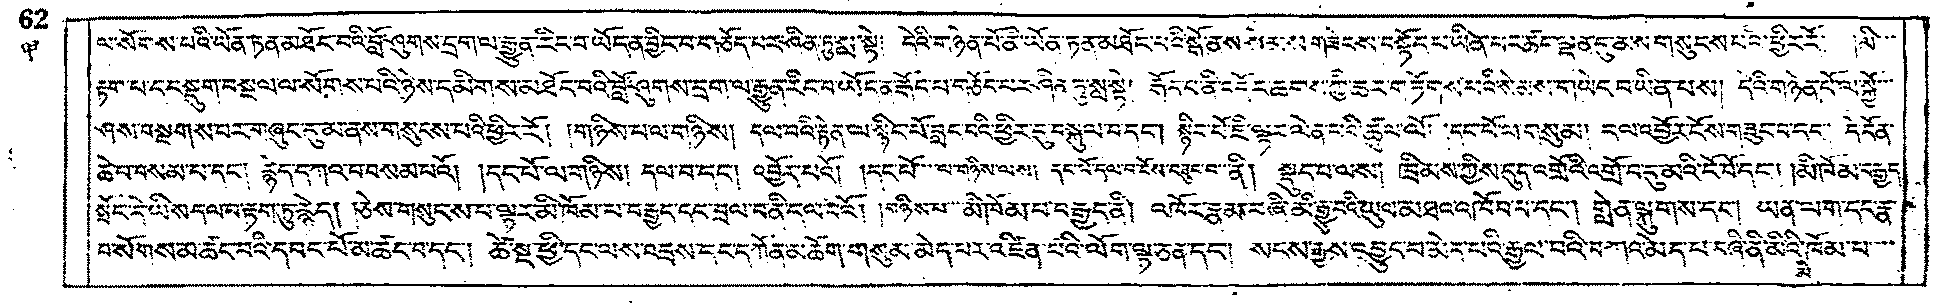ལ་སོགས་པའི་ཡོན་ཏན་མཐོང་བའི་བློ་ཤུགས་དྲག་ལ་རྒྱུན་རིང་བ་ཡོད་ན་བྱིང་བ་གཅོད་པར་ཤིན་ཏུ་སླ་སྟེ། དེའི་གཉེན་པོ་ནི་ཡོན་ཏན་མཐོང་བའི་སྒོ་ནས་སེམས་གཟེངས་བསྟོད་པ་ཡིན་པར་ཚང་ལྡན་དུ་མས་གསུངས་པའི་ཕྱིར་རོ། །མི་
རྟག་པ་དང་སྡུག་བསྔལ་ལ་སོགས་པའི་ཉེས་དམིགས་མཐོང་བའི་བློ་ཤུགས་དྲག་ལ་རྒྱུན་རིང་བ་ཡོད་ན་རྒོད་པ་གཅོད་པར་ཤིན་ཏུ་སླ་སྟེ། རྒོད་པ་ནི་འདོད་ཆགས་ཀྱི་ཆར་གཏོགས་པའི་སེམས་གཡེང་བ་ཡིན་པས། དེའི་གཉེན་པོ་ལ་སྐྱོ་
ཤས་བསྔགས་པར་གཞུང་དུ་མ་ནས་གསུངས་པའི་ཕྱིར་རོ། །གཉིས་པ་ལ་གཉིས། དལ་བའི་རྟེན་ལ་སྙིང་པོ་བླང་བའི་ཕྱིར་དུ་བསྐུལ་བ་དང་། སྙིང་པོ་ཇི་ལྟར་ལེན་པའི་ཚུལ་ལོ། །དང་པོ་ལ་གསུམ། དལ་འབྱོར་ངོས་གཟུང་བ་དང་། དེ་དོན་
ཆེ་བ་བསམ་པ་དང་། རྙེད་དཀའ་བ་བསམ་པའོ། །དང་པོ་ལ་གཉིས། དལ་བ་དང་། འབྱོར་པའོ། །དང་པོལ་གཉིས་ལས། དང་པོ་དལ་བ་ངོས་བཟུང་བནི། སྡུད་པ་ལས། ཁྲིམས་ཀྱིས་དུད་འགྲོའི་འགྲོ་བ་དུ་མའི་ངོ་བོ་དང་། །མི་ཁོམ་བརྒྱད་
སྤོང་དེ་ཡིས་དལ་བ་རྟག་ཏུ་རྙེད། །ཅེས་གསུངས་པ་ལྟར་མི་ཁོམ་པ་བརྒྱད་དང་བྲལ་བ་ནི་དལ་བའོ། ། གཉིས་པམི་ཁོམ་པ་བརྒྱད་ནི། འཁོར་རྣམ་བཞི་མི་རྒྱུ་བའི་ཡུལ་མཐའ་འཁོ་བ་པ་དང་། གླེན་ལྐུགས་དང་། ཡན་ལག་དང་རྣ་
བ་སོགས་མ་ཚང་བའི་དབང་པོ་མ་ཚང་བ་དང་། ཚེ་སྔ་ཕྱི་དང་ལས་འབྲས་དང་དཀོན་མཆོག་གསུམ་མེད་པར་འཛིན་པའི་ལོག་ལྟ་ཅན་དན། སངས་རྒྱས་འབྱུང་བ་མེད་པའི་རྒྱལ་བའི་བཀའ་མེད་པ་བཞིན་ནི་མིའི་མི་ཁོམ་པ་